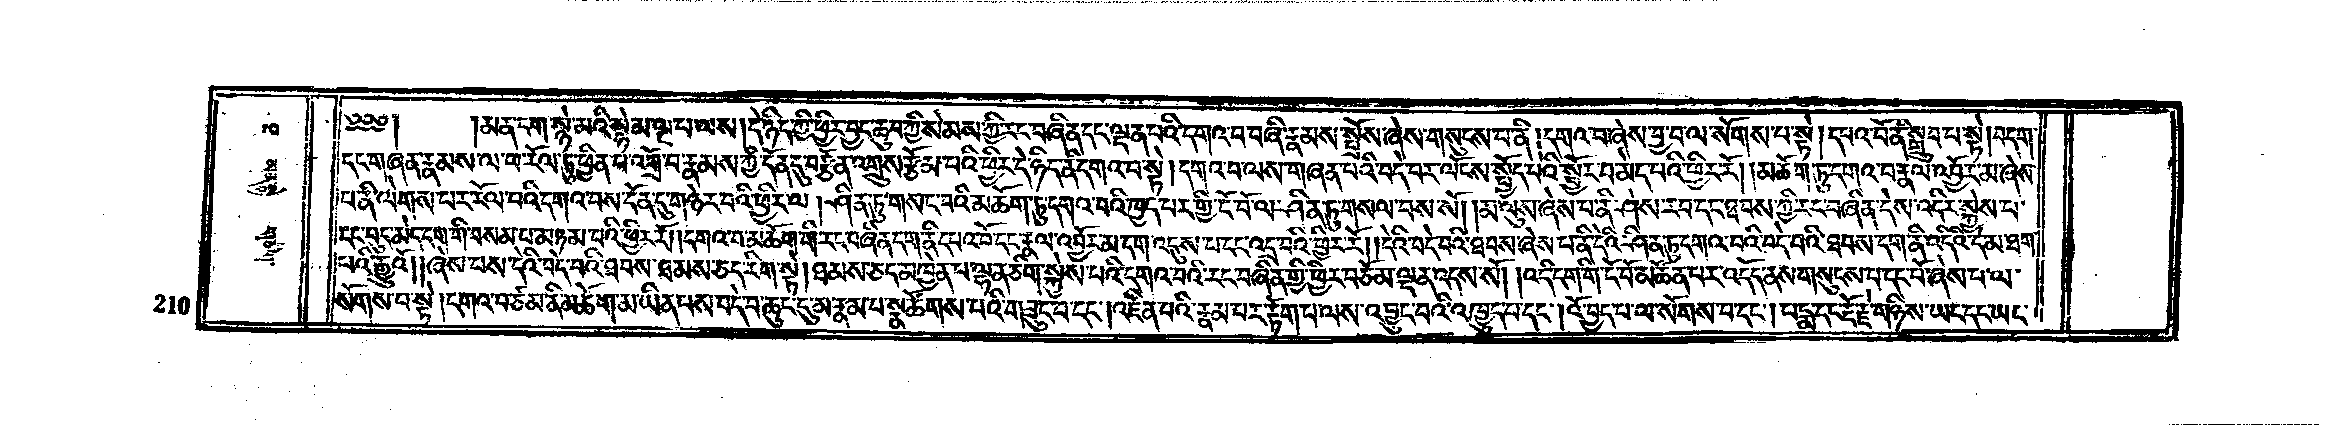༄༅༅། །མན་ངག་སྙེ་མའི་སྙེ་མ་ལྔ་པ་ལས། དེ་ཉིད་ཀྱི་ཕྱིར་བྱང་ཆུབ་ཀྱི་སེམས་ཀྱི་རང་བཞིན་དང་ལྡན་པའི་དགའ་བ་བཞི་རྣམས་སྤྲོས་ཞེས་གསུངས་པ་ནི། དགའ་བ་ཞེས་བྱ་བ་ལ་སོགས་པ་སྟེ། དཔའ་བོ་ནི་སྒྲུབ་པ་སྟེ། བདག་
དང་གཞན་རྣམས་ལ་ཕ་རོལ་ཏུ་ཕྱིན་པ་འགྲོ་བ་རྣམས་ཀྱི་དོན་དུ་བརྩོན་འགྲུས་རྩོམ་པའི་ཕྱིར་དེ་ཉིད་ནི་དགའ་བ་སྟེ། དགའ་བ་ལས་གཞན་པའི་བདེ་བར་ལོངས་སྤྱོད་པའི་སྦྱོར་བ་མེད་པའི་ཕྱིར་རོ། །མཆོག་ཏུ་དགའ་བ་རྣལ་འབྱོར་མ་ཞེས་
པ་ནི་ལེགས་པར་རོལ་པའི་དགའ་བས་དོན་དུ་གཉེར་བའི་ཕྱིར་ལ། ཤིན་ཏུ་གསང་བའི་མཆོག་ཏུ་དགའ་བའི་ཁྱད་པར་གྱི་ངོ་བོ་ལ་ཤིན་ཏུ་གསལ་བས་སོ། །མ་ལུས་ཞེས་པ་ནི་ཤེས་རབ་དང་ཐབས་ཀྱི་རང་བཞིན་དེས་འདིར་སྐྱེས་པ་
དང་བུད་མེད་དག་གི་བསམ་པ་མཉམ་པའི་ཕྱིར་རོ། །དགའ་བ་མཆོག་གི་རང་བཞིན་དག་ནི་དཔའ་བོ་དང་རྣལ་འབྱོར་མ་ངག་འདུས་པ་དང་འདྲ་བའི་ཕྱིར་རོ། །དེའི་བདེ་བའི་ཐབས་ཞེས་པ་ནི་དེའི་ཤིན་ཏུ་དགའ་བའི་བདེ་བའི་ཐབས་དག་ནི་འདིའི་དེ་མ་ཐག་
པའི་རྒྱུའོ། །ཞེས་པས་དེའི་བདེ་བའི་ཐབས་ཐམས་ཅད་རིག་སྟེ། ཐམས་ཅད་མཁྱེན་པ་ལྷན་ཅིག་སྐྱེས་པའི་དགའ་བའི་རང་བཞིན་གྱི་ཕྱིར་བཅོམ་ལྡན་འདས་སོ། །འདི་དག་གི་ངོ་བོ་མཚོན་པར་འདོད་ནས་གསུངས་པ་དང་པོ་ཞེས་པ་ལ་
སོགས་པ་སྟེ། དགའ་བ་ཙམ་ནི་མཆོག་མ་ཡིན་པས་བདེ་བ་ཆུང་ངུ་མ་རྣམ་པ་སྣ་ཚོགས་པའི་གཟུང་བ་དང་། འཛིན་པའི་རྣམ་པར་རྟོག་པ་ལས་འབྱུང་བའི་འཁྱུད་པ་དང་། འོ་བྱད་པ་ལ་སོགས་པ་དང་། པདམ་དང་རྡོ་རྗེ་གཉིས་ཡང་དང་ཡང་